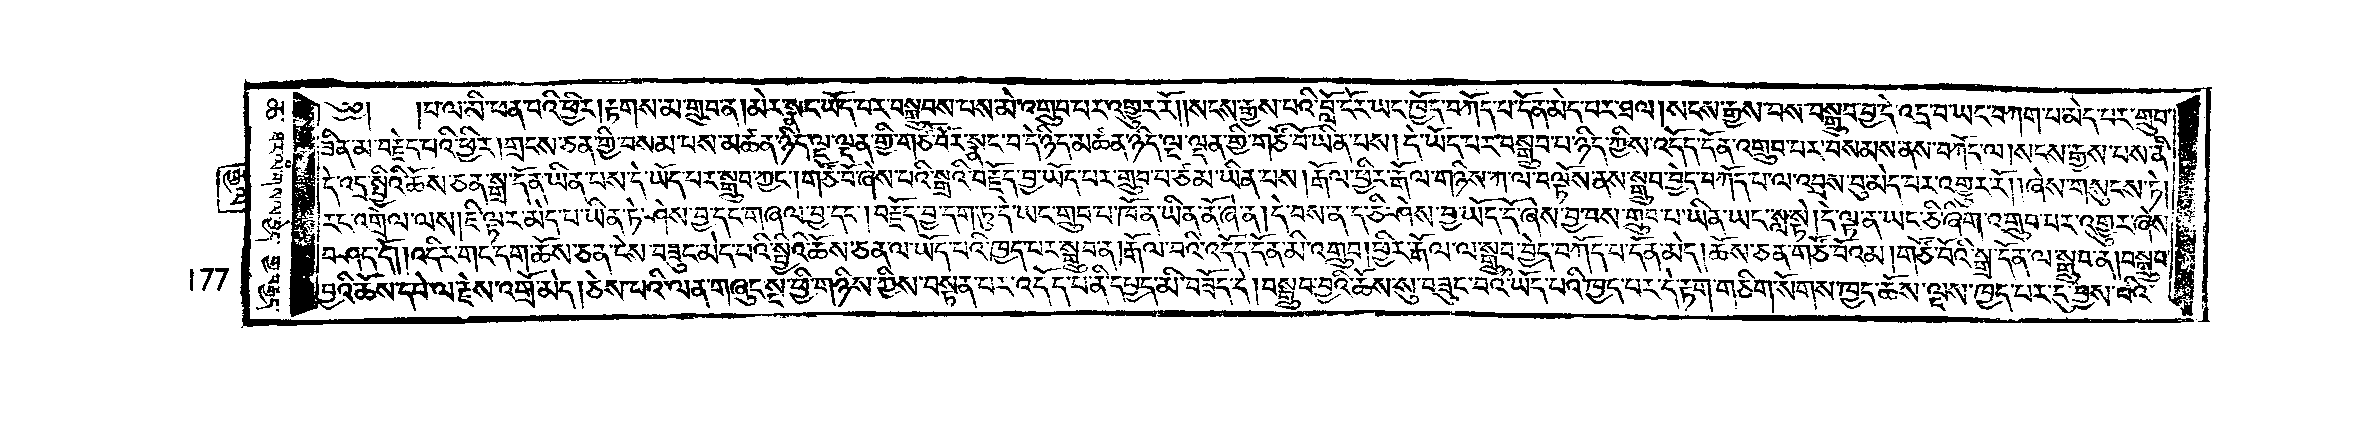༄༅། །པ་ལ་མི་ཕན་པའི་ཕྱིར། རྟགས་མ་གྲུབ་ན། མེར་སྣང་ཡོད་པར་བསྒྲུབས་པས་མེ་འགྲུབ་པར་འགྱུར་རོ། །སངས་རྒྱས་པའི་བློ་ངོར་ཡང་ཁྱོད་བཀོད་པ་དོན་མེད་པར་ཐལ། སངས་རྒྱས་བས་བསྒྲུབ་བྱ་དེ་འདྲ་བ་ཡང་བཀག་པ་མེད་པར་གྲུབ་
ཟིན་མ་བརྗེད་པའི་ཕྱིར། གྲངས་ཅན་གྱི་བསམ་པས་མཚན་ཉིད་ལྔ་ལྡན་གྱི་གཙོ་བོར་སྣང་བ་དེ་ཉིད་མཚན་ཉིད་ལྔ་ལྡན་གྱི་གཙོ་བོ་ཡིན་པས། དེ་ཡོད་པར་བསྒྲུབ་པ་ཉིད་ཀྱིས་འདོད་དོན་འགྲུབ་པར་བསམས་ནས་བཀོད་ལ། སངས་རྒྱས་པས་ནི་
དེ་འདྲ་སྤྱིའི་ཆོས་ཅན་སྒྲ་དོན་ཡིན་པས་དེ་ཡོད་པར་སྒྲུབ་ཀྱང་། གཙོ་བོ་ཞེས་པའི་སྒྲའི་བརྗོད་བྱ་ཡོད་པར་གྲུབ་པ་ཙམ་ཡིན་པས། རྒོལ་ཕྱིར་རྒོལ་གཉིས་ཀ་ལ་བལྟོས་ནས་སྒྲུབ་བྱེད་བཀོད་པ་ལ་འབྲས་བུ་མེད་པར་འགྱུར་རོ། །ཞེས་གསུངས་ཏེ།
རང་འགྲེལ་ལས། ཇི་ལྟར་མེད་པ་ཡིན་ཏེ་ཤེས་བྱ་དང་གཞལ་བྱ་དང་། བརྗོད་བྱ་དག་ཏུ་དེ་ཡང་གྲུབ་པ་ཁོ་ན་ཡིན་ནོ་ཞེ་ན། དེ་བས་ན་དེ་ཅི་ཤེས་བྱ་ཡོད་དོ་ཞེས་བྱ་བས་གྲུབ་པ་ཡིན་ཡང་སླ་སྟེ། དེ་ལྟ་ན་ཡང་ཅི་ཞིག་འགྲུབ་པར་འགྱུར་ཞེས་
བཤད་དོ། །འདིར་གང་དག་ཆོས་ཅན་ངེས་བཟུང་མེད་པའི་སྤྱིའི་ཆོས་ཅན་ལ་ཡོད་པའི་ཁྱད་པར་སྒྲུབ་ན། རྒོལ་བའི་འདོད་དོན་མི་འགྲུབ། ཕྱིར་རྒོལ་ལ་སྒྲུབ་བྱེད་བཀོད་པ་དོན་མེད། ཆོས་ཅན་གཙོ་བོའམ། གཙོ་བོའི་སྒྲ་དོན་ལ་སྒྲུབ་ན། བསྒྲུབ་
བྱའི་ཆོས་དཔེ་ལ་རྗེས་འགྲོ་མེད། ཅེས་པའི་ལན་གཞུང་སྔ་ཕྱི་གཉིས་ཀྱིས་བསྟན་པར་འདོད་པ་ནི་དཔྱད་མི་བཟོད་དེ། བསྒྲུབ་བྱའི་ཆོས་སུ་བཟུང་བའི་ཡོད་པའི་ཁྱད་པར་དེ་རྟག་གཅིག་སོགས་ཁྱད་ཆོས་ལྔས་ཁྱད་པར་དུ་བྱས་པའི་